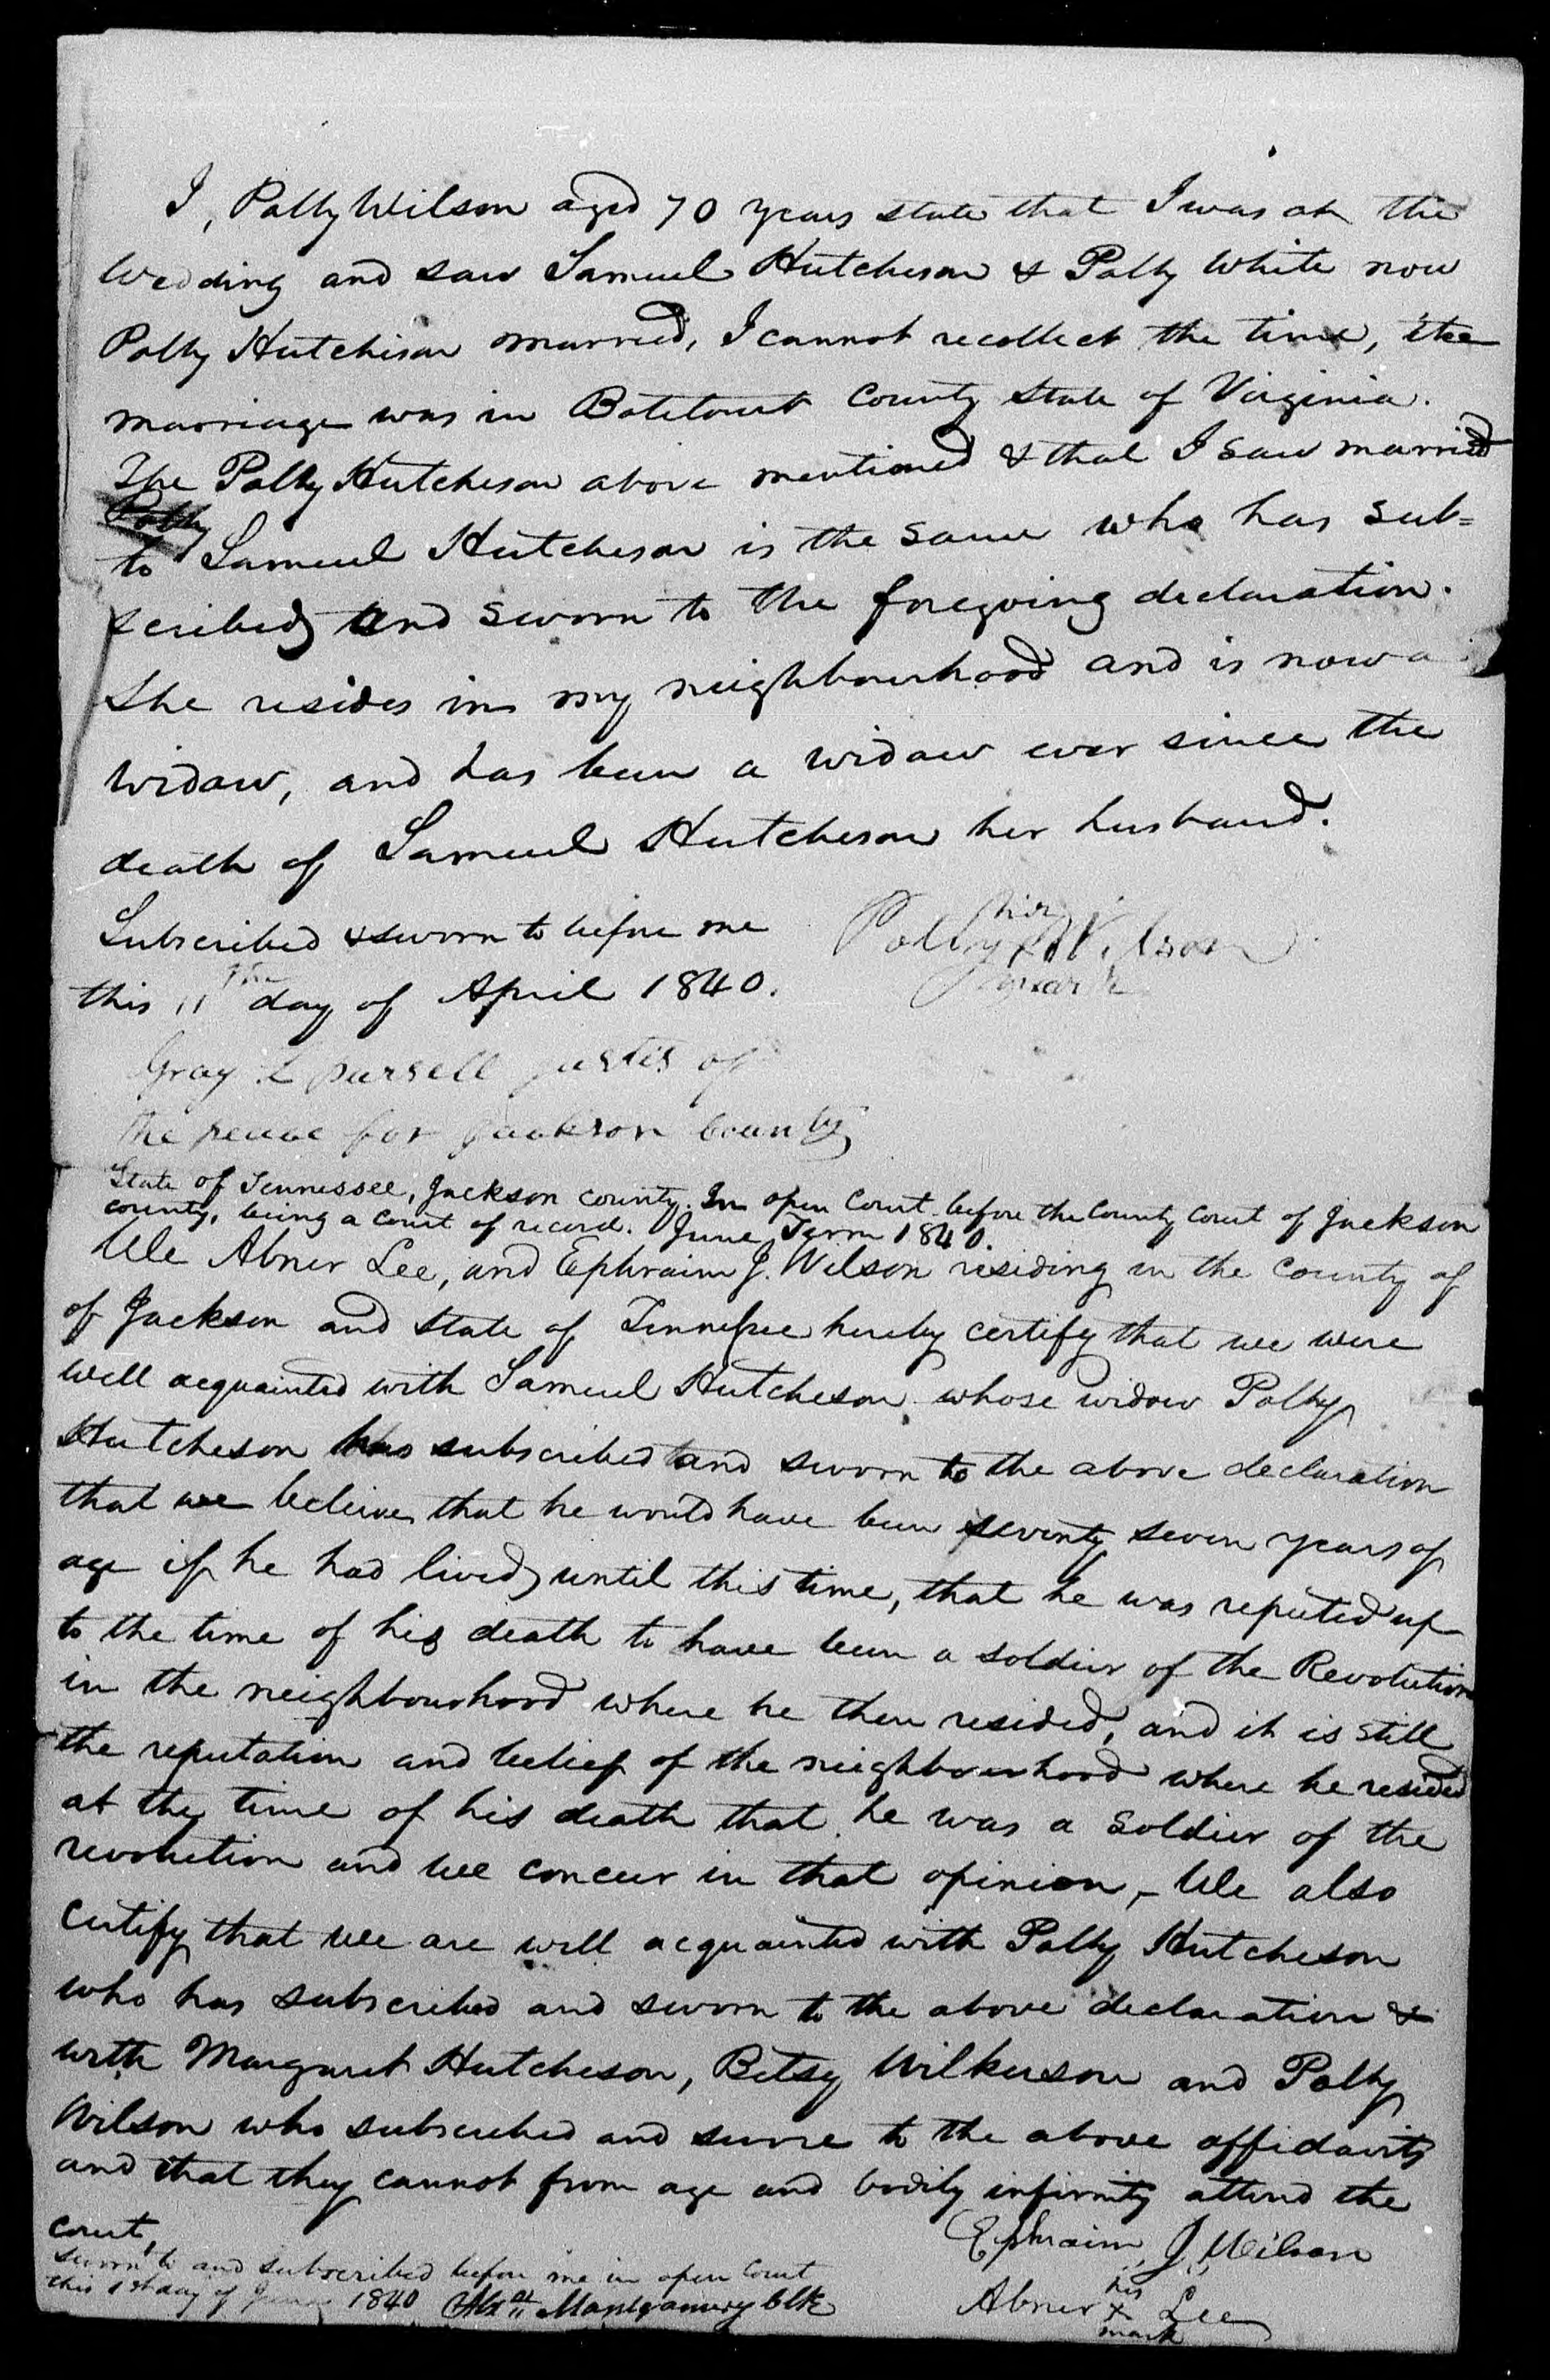I, Polly Wilson aged 70 years state that I was at the Wedding and saw Samuel Hutchison & Polly White now Polly Hutchison married, I cannot recollect the time, the marriage was in Botetourt County State of Virginia 

The Polly Hutchison above mentioned & that I saw married to Samuel Hutcheson [Hutchison] is the same who has subscribed and sworn to the foregoing declaration. She resides in my neighborhood and is now a widow, and has been a widow ever since the death of Samuel Hutcheson her husband.
Subscribed & sworn to before me this 11th day of April 1840 
Gray L Pursell Justis [Justice] of the peace for Jackson County 
Polly [her x mark] Wilson

State of Tennessee, Jackson County. In open Court before the County Court of Jackson County, being a Court of record. June Term 1840.

We Abner Lee, and Ephraim J. Wilson residing in the County of Jackson and State of Tennessee hereby certify that we were well acquainted with Samuel Hutcheson [Hutchison] whose widow Polly Hutcheson [Hutchison] has subscribed and sworn to the above declaration that we believe that he would have been seventy seven years of age if he had lived until this time, that he was reputed up to the time of his death to have been a soldier of the Revolution in the neighbourhood [neighborhood] where he then resided, and it is still the reputation and belief of the neighbourhood [neighborhood] where he resided at the time of his death that he was a soldier of the revolution and we concur in that opinion. We also certify that we are well acquainted with Polly Hutcheson [Hutchinson] who has subscribed and sworn to the above declaration & with Margaret Hutchison, Betsy Wilkerson and Polly Wilson who subscribed and swore to the above affidavits and that they cannot from age and bodily infirmity attend the Court.
Sworn to and subscribed before me in open Court this 1st day of June 1840. Alxd [Alexander] Montgomery Clk

Ephram J. Wilson 
Abner [his x mark] Lee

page: 10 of 19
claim: rejected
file: R. 5442, for Samuel Hutchison, Virginia